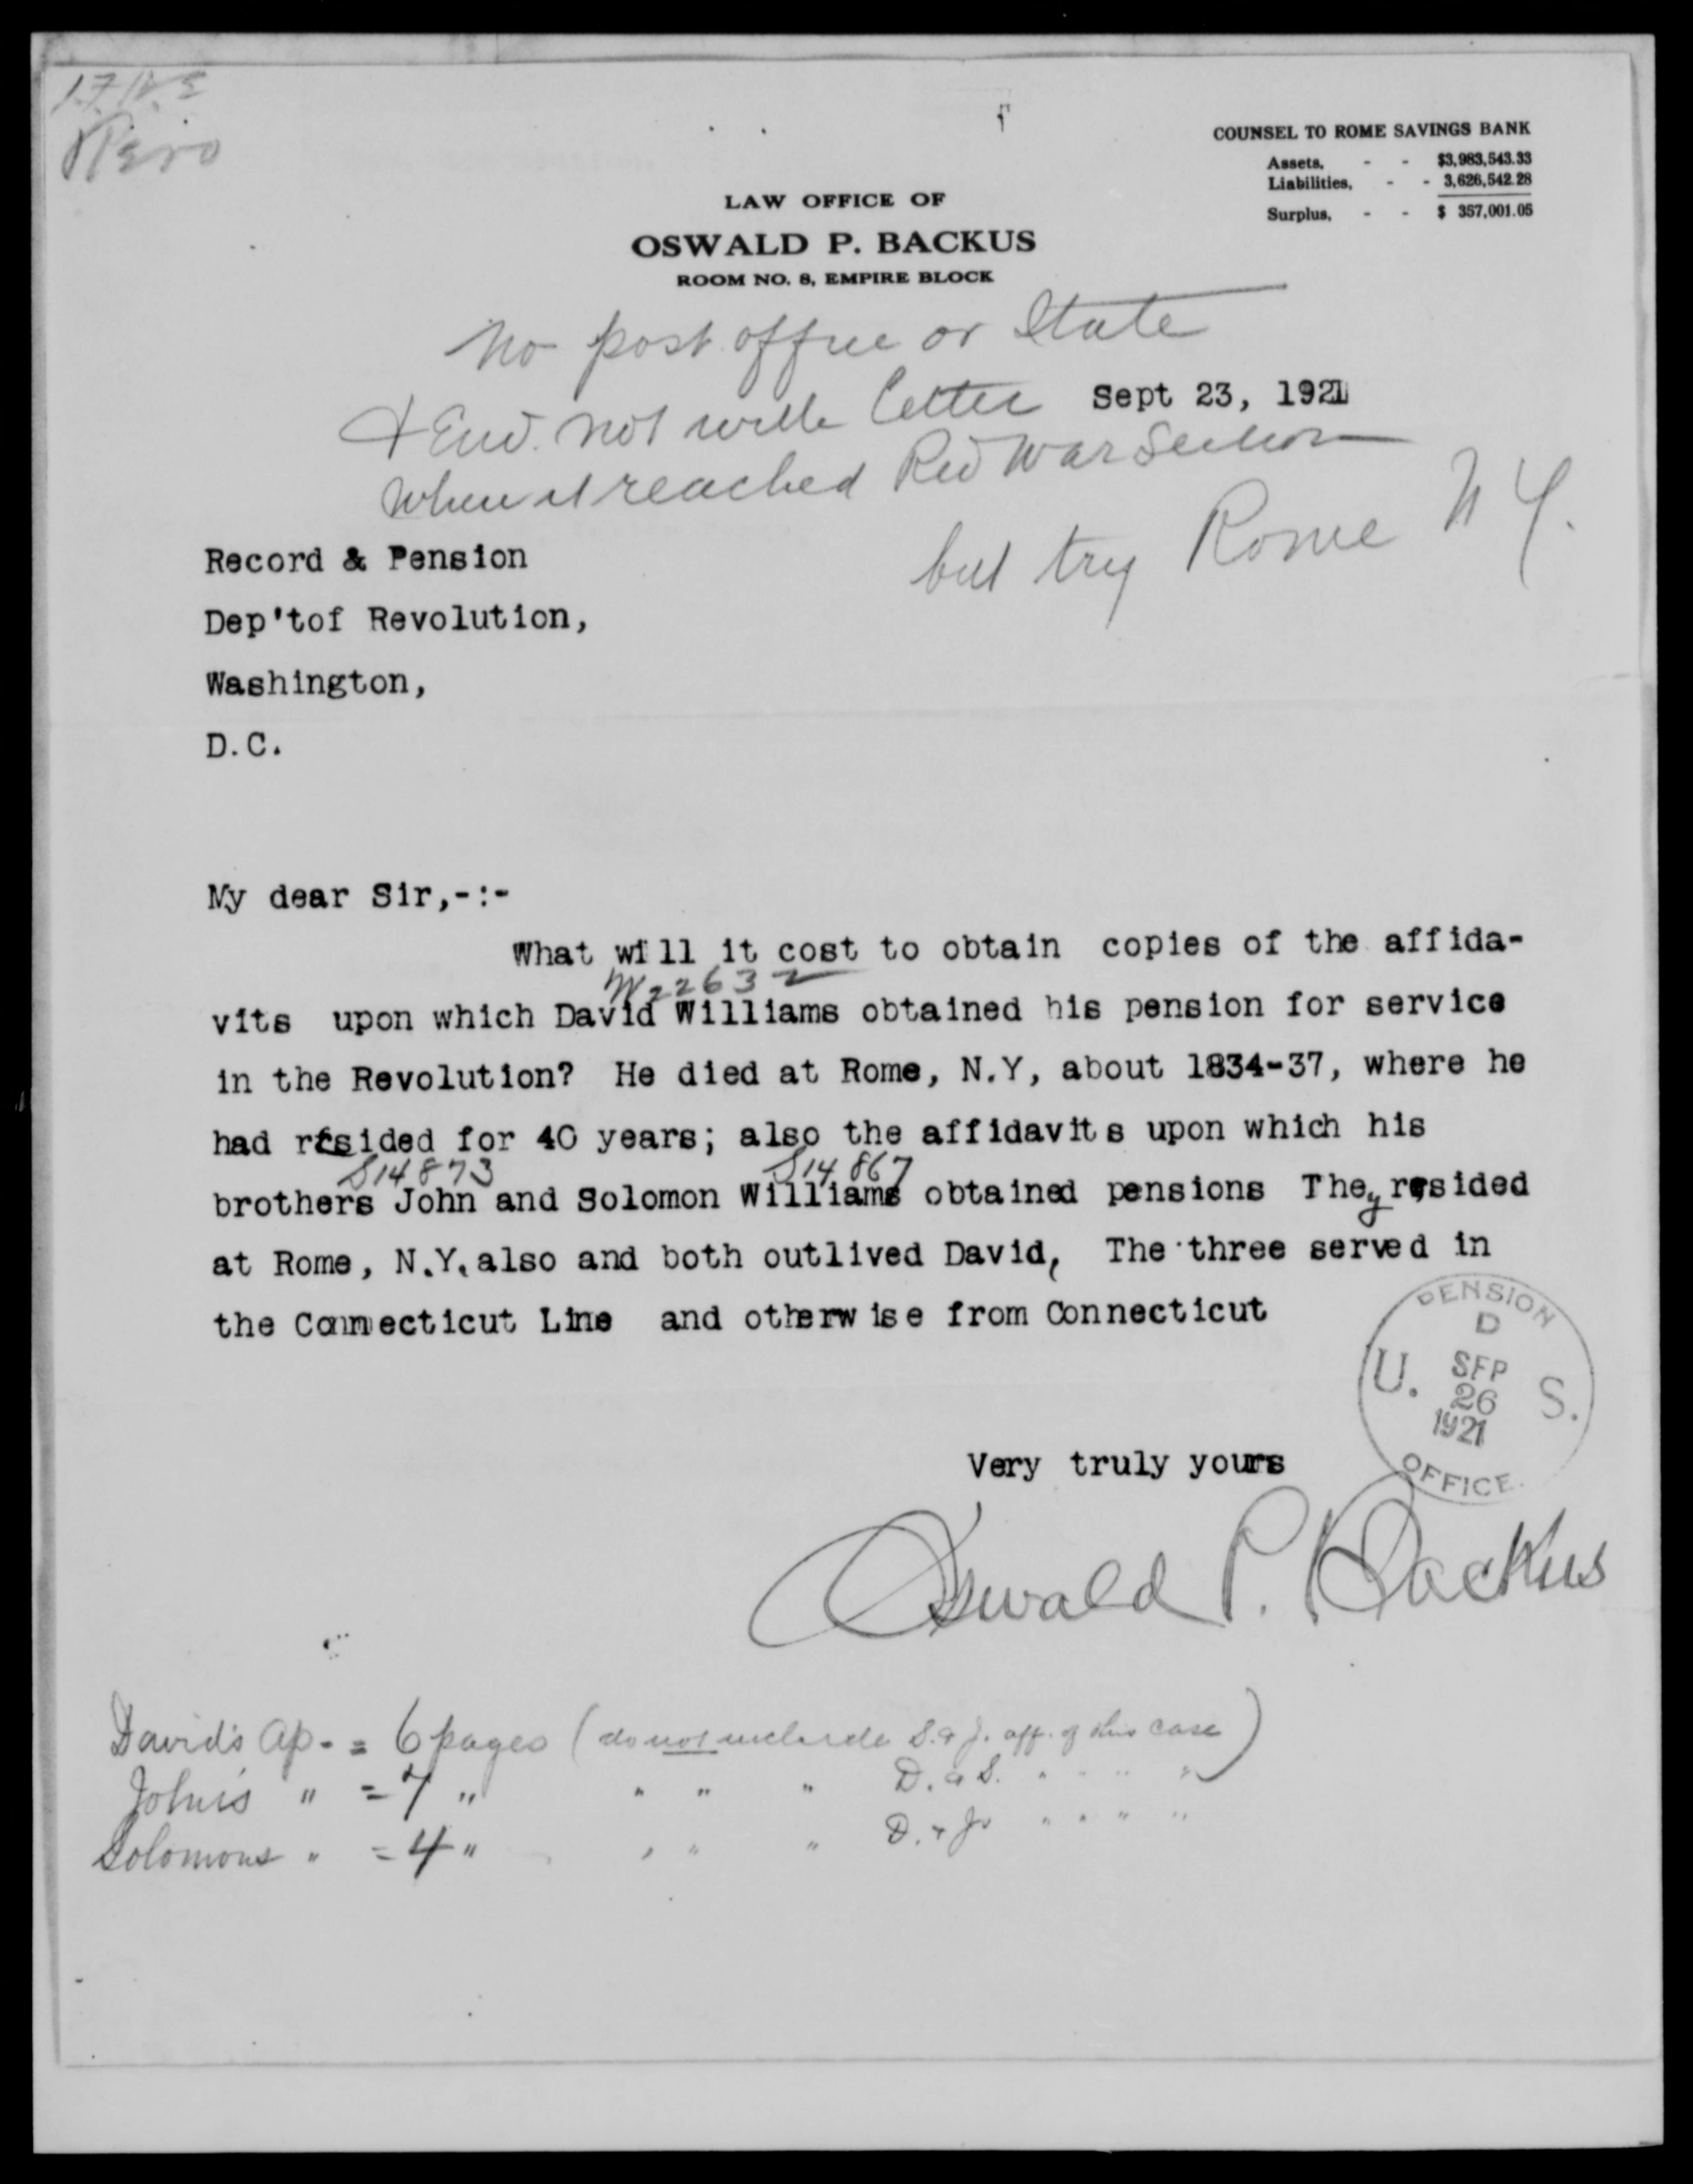17 H S Revo
Counsel to Rome Savings Bank
Assets -- $3,983,543.33
Liabilities -- 3,626,542.28
Surplus -- $357,001.05

Law office of 
Oswald P. Backus
Room No. 8, Empire Block

No post office or State & env. not wille Cetter
where it reached Rev War Section but try Rome N Y.

Sept 23, 1921

Record & Pension 
Dep't of Revolution,
Washington, D. C.

My dear Sir, -:-
What will it cost to obtain copies of the affidavits upon which David Williams W22632 obtained his pension for service in the Revolution?  He died at Rome, N. Y. about 1834-37, where he had resided for 40 years; also the affidavits upon which his brothers John S14873 and Solomon S14867 Williams obtained pensions  They resided at Rome, N. Y. also and both outlived David. The three served in the Connecticut Line and otherwise from Connecticut 
Very truloy yours
Oswald P. Backus   

(stamp): Pension Office U. S. D Sep 26 1921

David's Ap - 6 pages (do not include S & J off. of this case)
John's - 7 " D & S
Solomon's - 4 "  D & J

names: Oswald P Backus, David Williams, John Williams, Solomon Williams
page: 51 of 63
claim: widow's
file: W. 22,632, David Williams, Conn. Continental Privateer